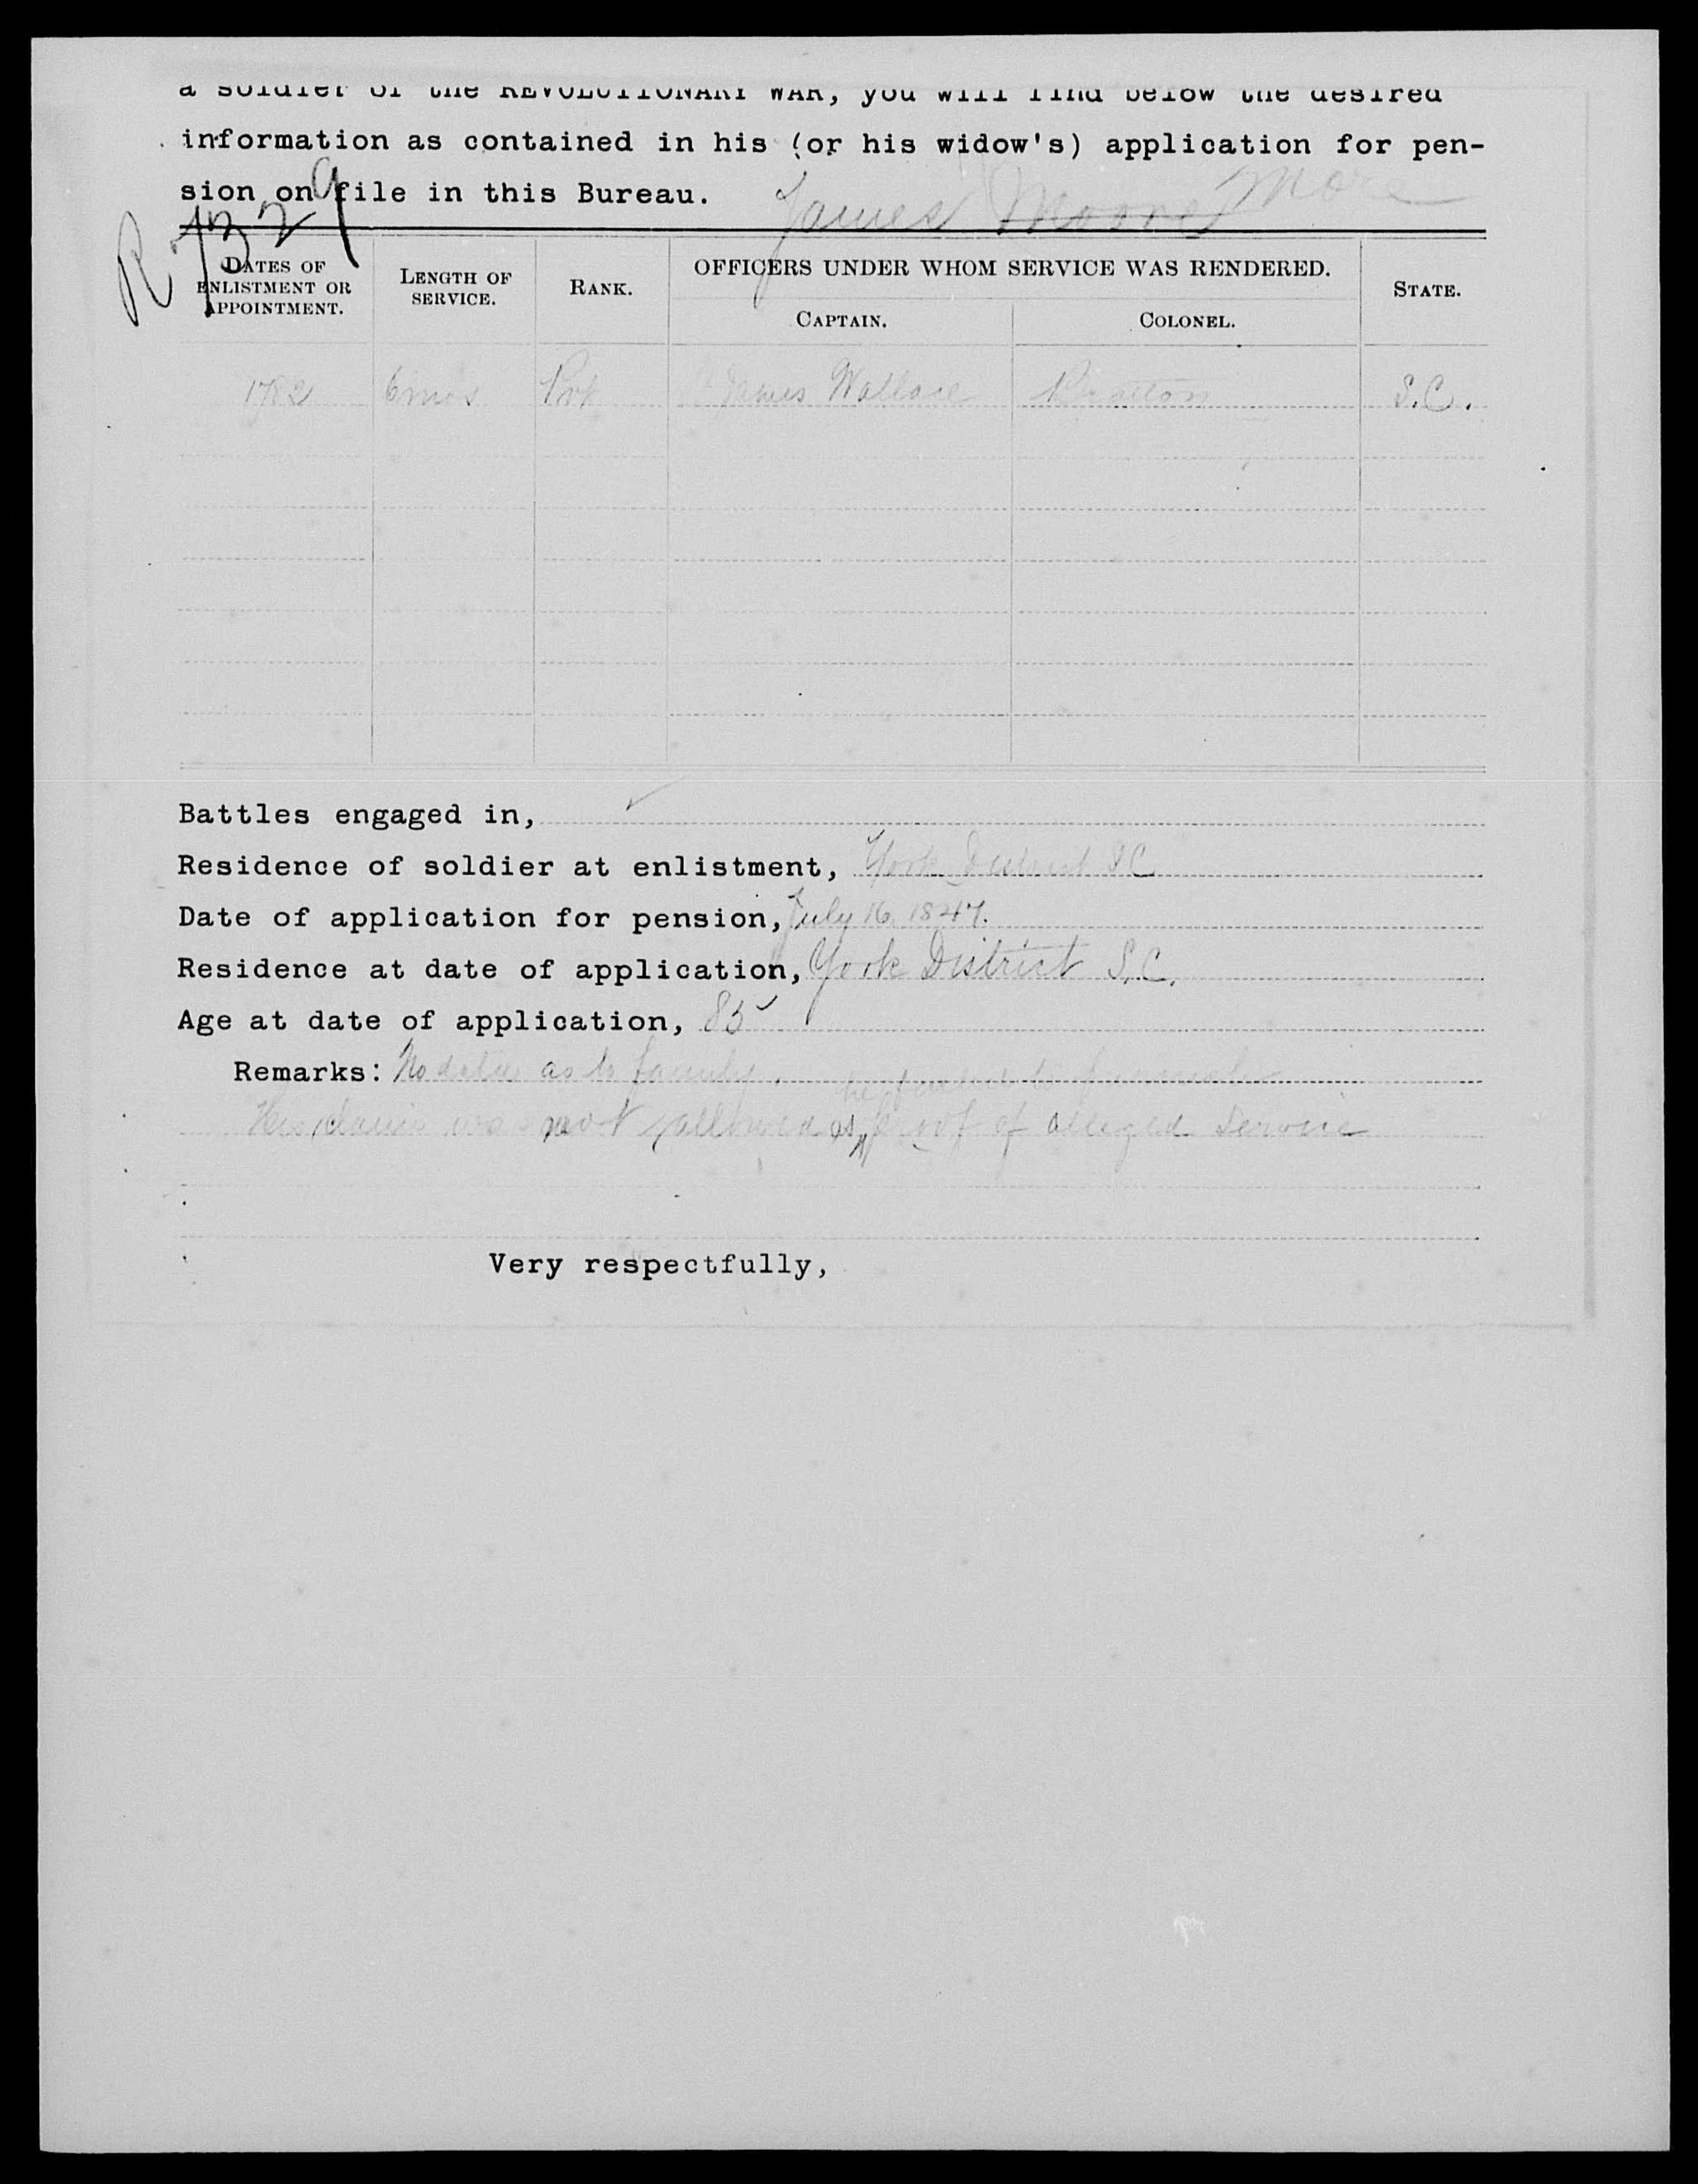a soldier of the REVEOLUTIONARY WAR, you will find below the desired information as contained in his (or his widow's) application for pension on file in this Bureau. James [crossed out Moore] More
R7329

DATES OF ENLISTMENT OR APPOINTMENT - 1782
LENGTH OF SERVICE - 6 mos
RANK - Pvt
OFFICERS UNDER WHOM SERVICE WAS RENDERED
CAPTAIN - James Wallace
COLONEL - Pratton
STATE - SC
Battles engaged in 
Residence of soldier at enlistment York District, SC
Date of application for pension July 16 1847  
Residence at date of application York District SC
Age at date of application, 85
Remarks No data as to his family
His claim was not allowed as he failed to forward proof of alleged service
Very Respectfully,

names: James Wallace; James Moore; [BLANK] Ranton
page: 5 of 17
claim: rejected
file: R 7329, for James More, South Carolina